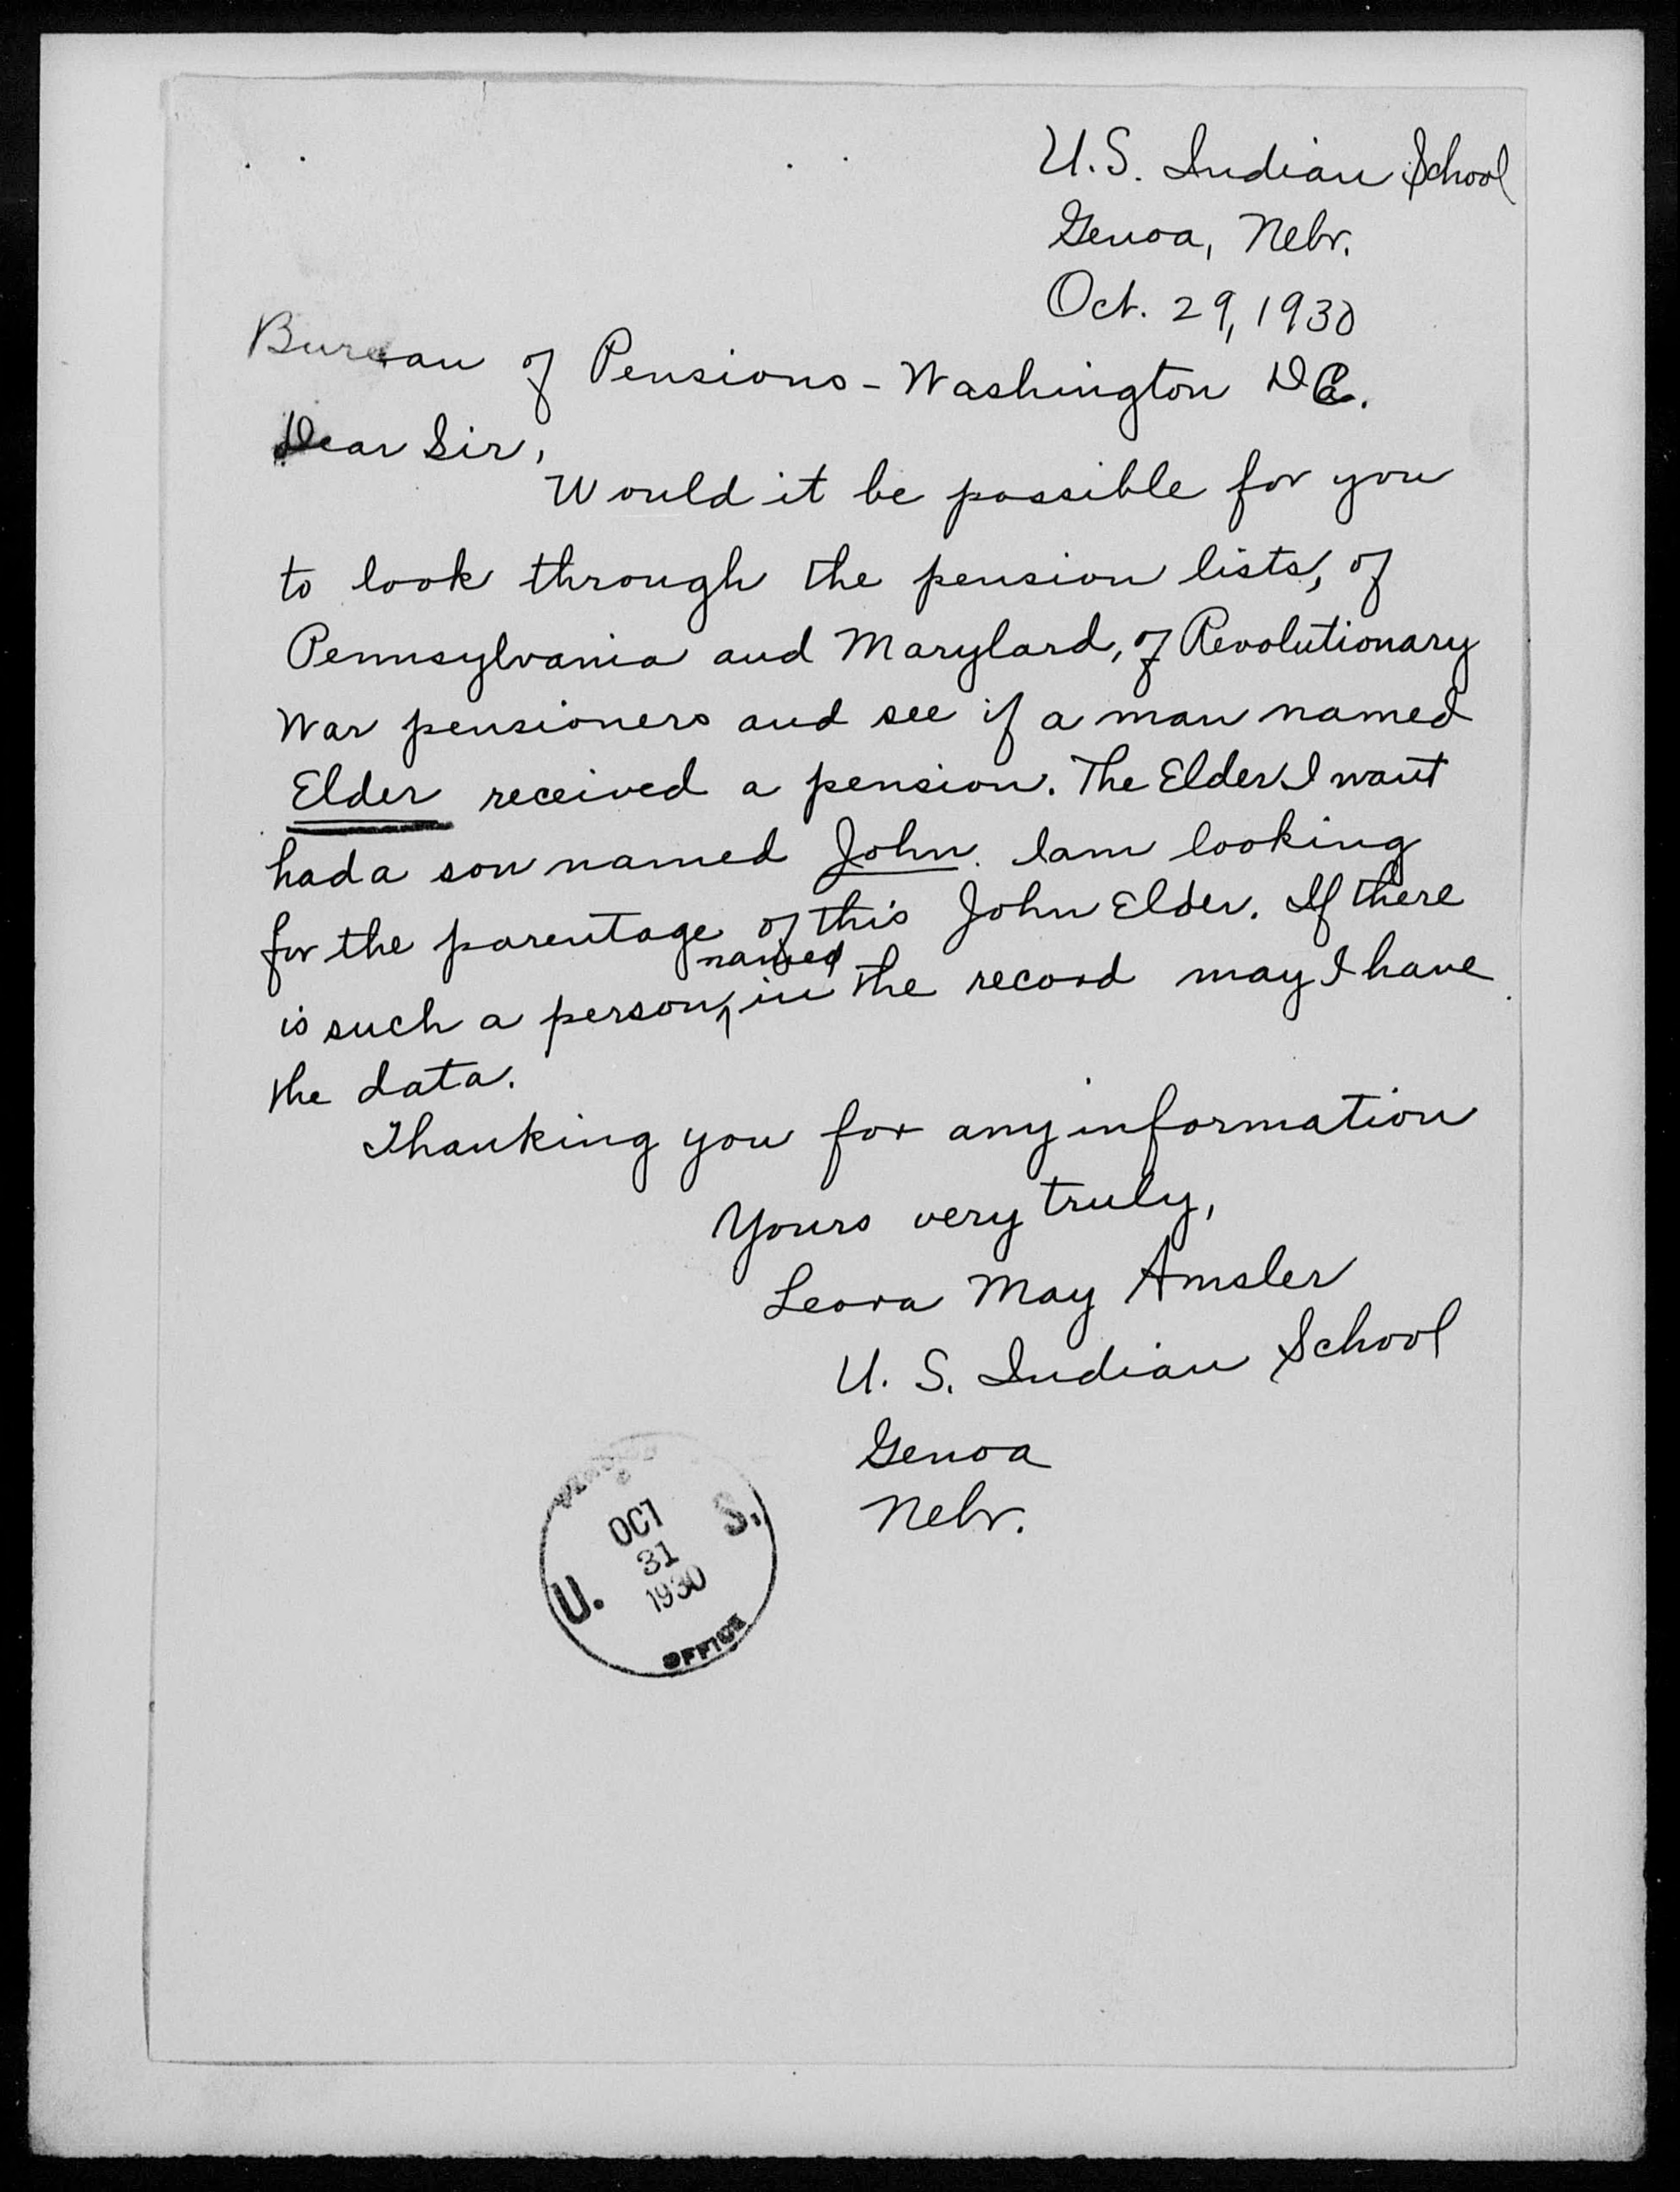U.S. Indian School
Genoa, Nebr
Oct. 29, 1930
Bureau of Pensions - Washington D.C.
Dear Sir,
Would it be possible for you
to look through the pension lists, of
Pennsylvania and Maryland, of Revolutionary War
pensioners and see if a man named
Elder received a pension. The Elder I want
had a son named John. I am looking
for the parentage of this John Elder. If there
is such a person named in the record may I have
the data.
Thanking you for any information
Yours very truly
Leora May Amsler
U.S. Indian School
Genoa
Nebr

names: Elder, Elder, John Elder, Leora May Amsler, John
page: 69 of 80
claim: widow's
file: W. 24117, John Elder, Penn.